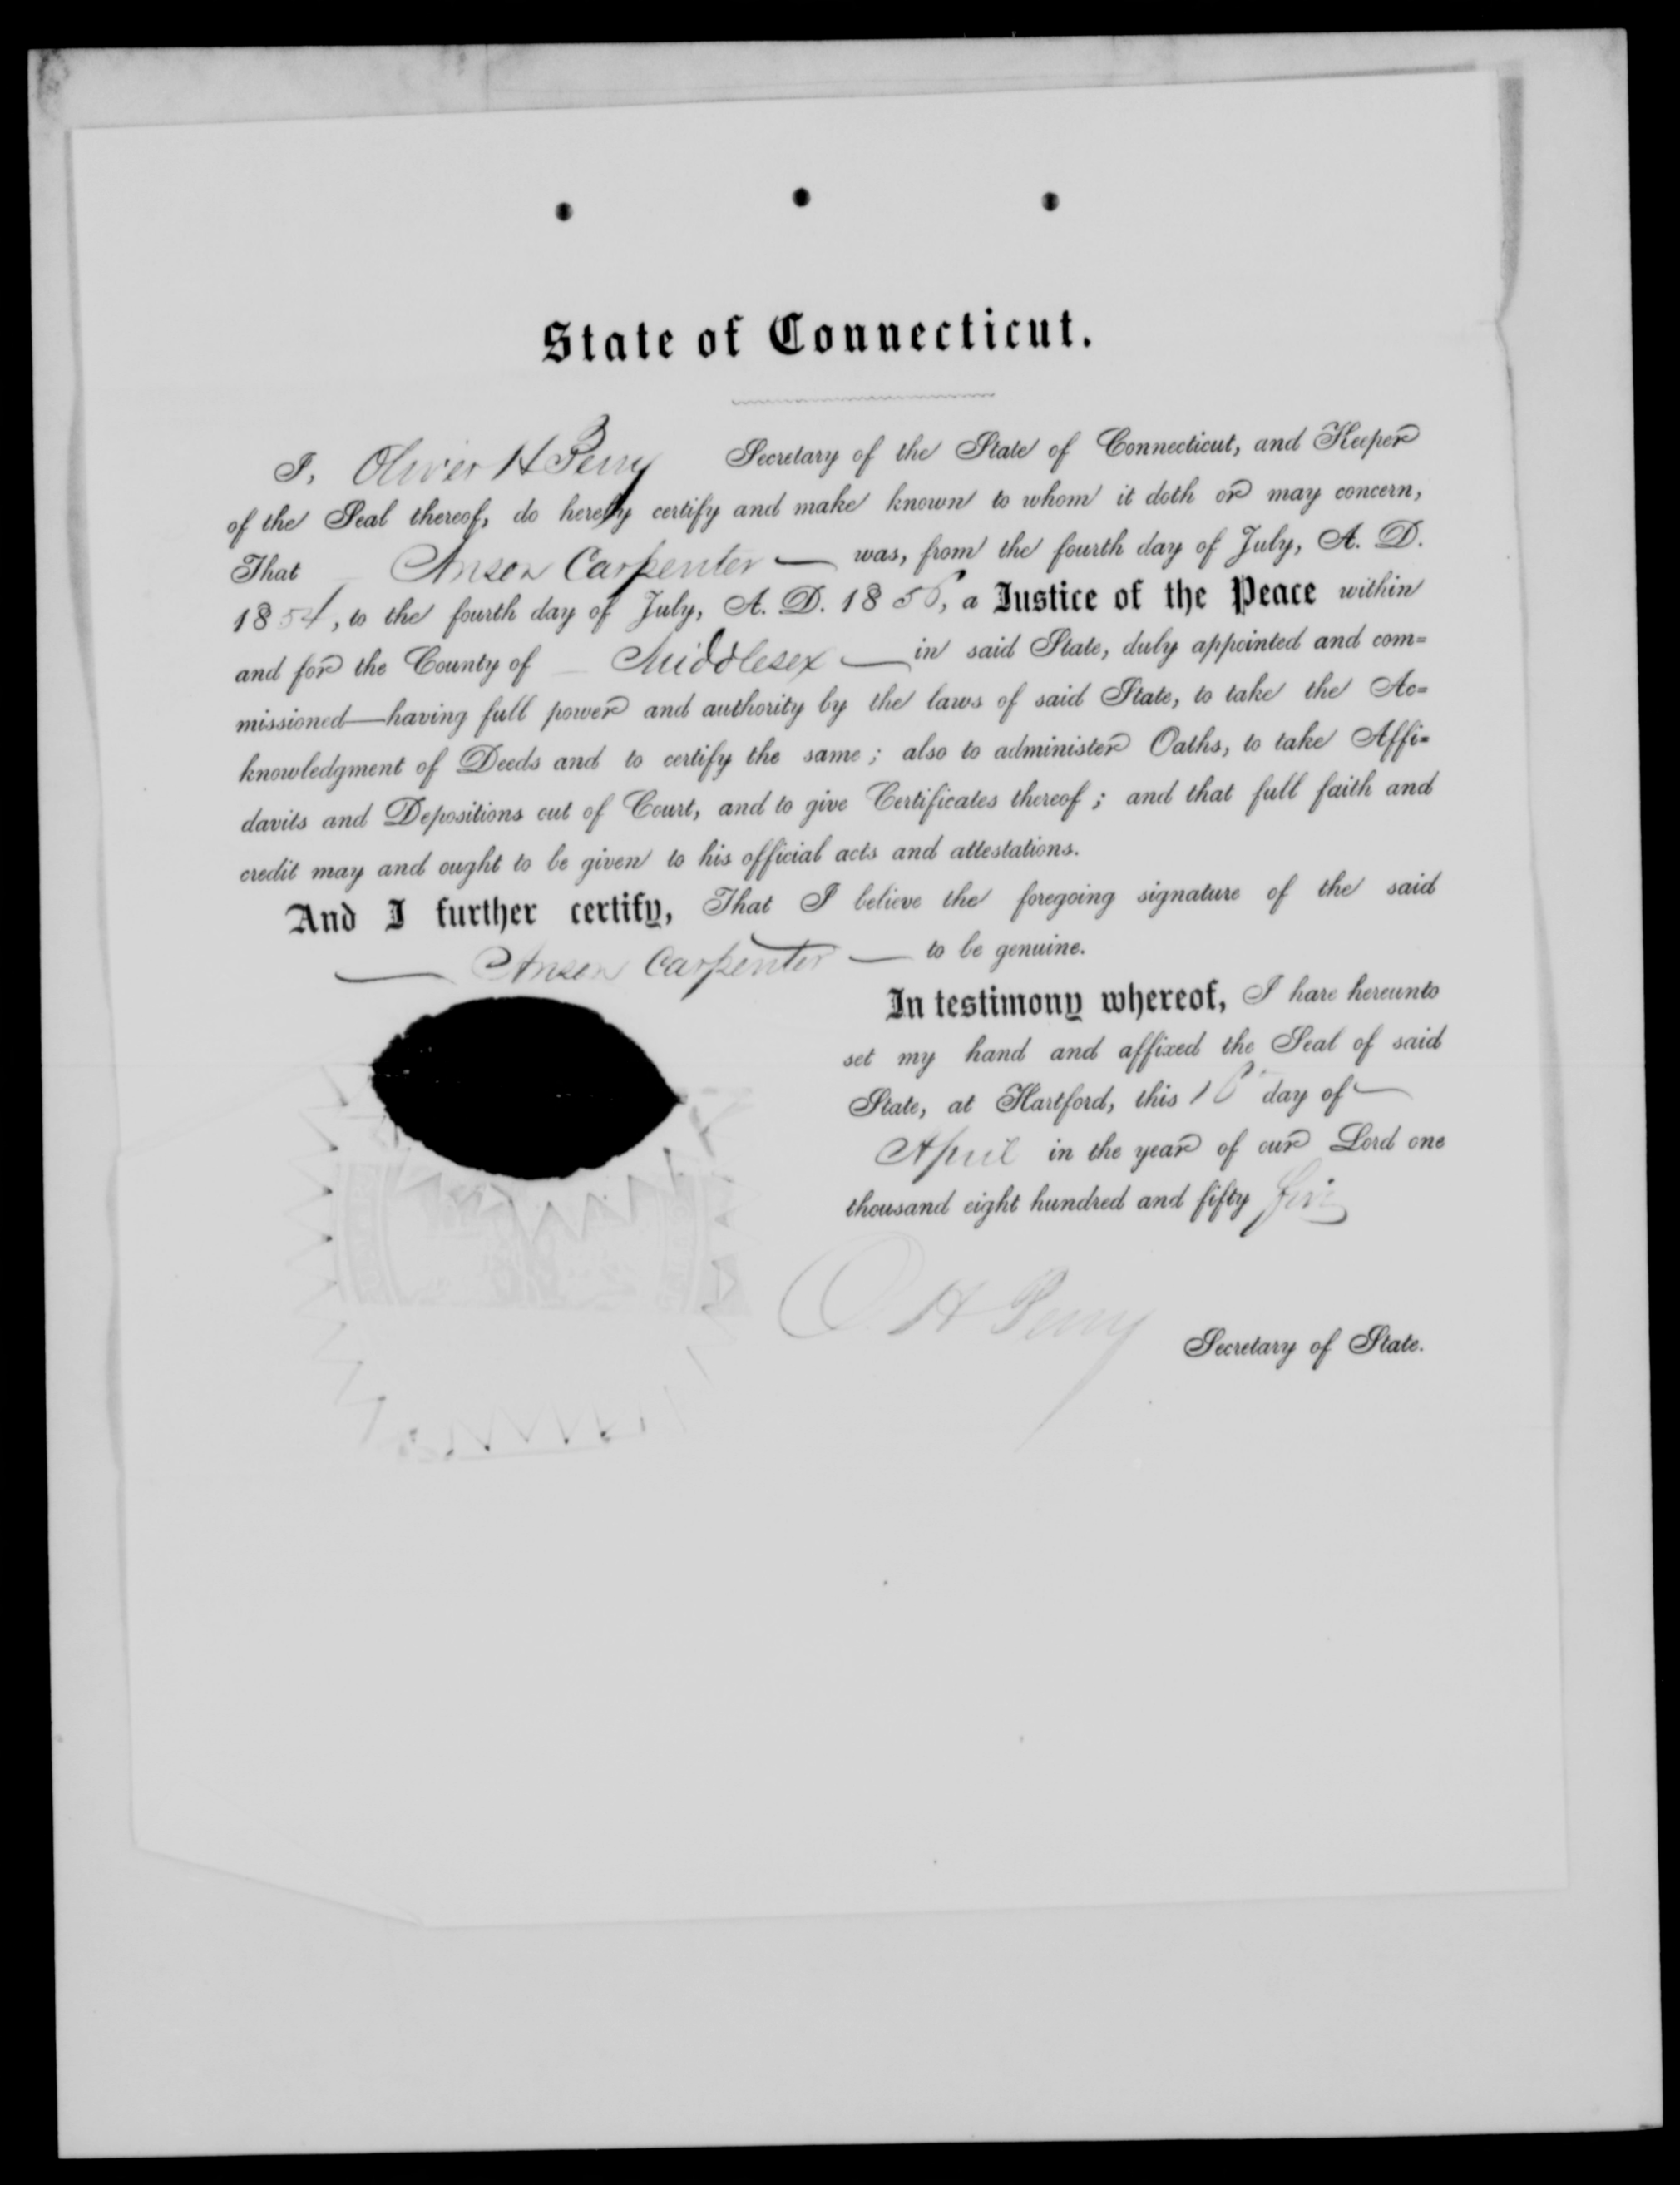State of Connecticut
I, Oliver H Perry Secretary of the State of Connecticut, and Keeper
of the Seal thereof, do hereby certify and make known to whom it doth or may concern,
That Anson Carpenter --  was, from the fourth day of July, A.D.
1854, to the fourth day of July, A.D. 1856, a Justice of the Peace within
and for the County of Middlesex in said State, duly appointed and 
commissioned having full power and authority by the laws of said State, to take the knowledgment of Deeds and to certify the same; also to administer Oaths, to take Affidavits and Depositions out of Court, and to give certificates thereof; and that full faith and
credit may and ought to be given to his official acts and attestations
And I further certify, That I believe the foregoing signature of the said
Anson Carpenter - to be genuine.
In testimony whereof, I have hereunto
set my hand and affixed the Seal of said
State, at Hartford, this 16 day of
April in the year of our Lord one
thousand eight hundred and fifty five
O H Perry Secretary of State.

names: Anson Carpenter, Oliver H Perry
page: 39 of 50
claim: widow's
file: W. 25,969, Philip White, Conn.